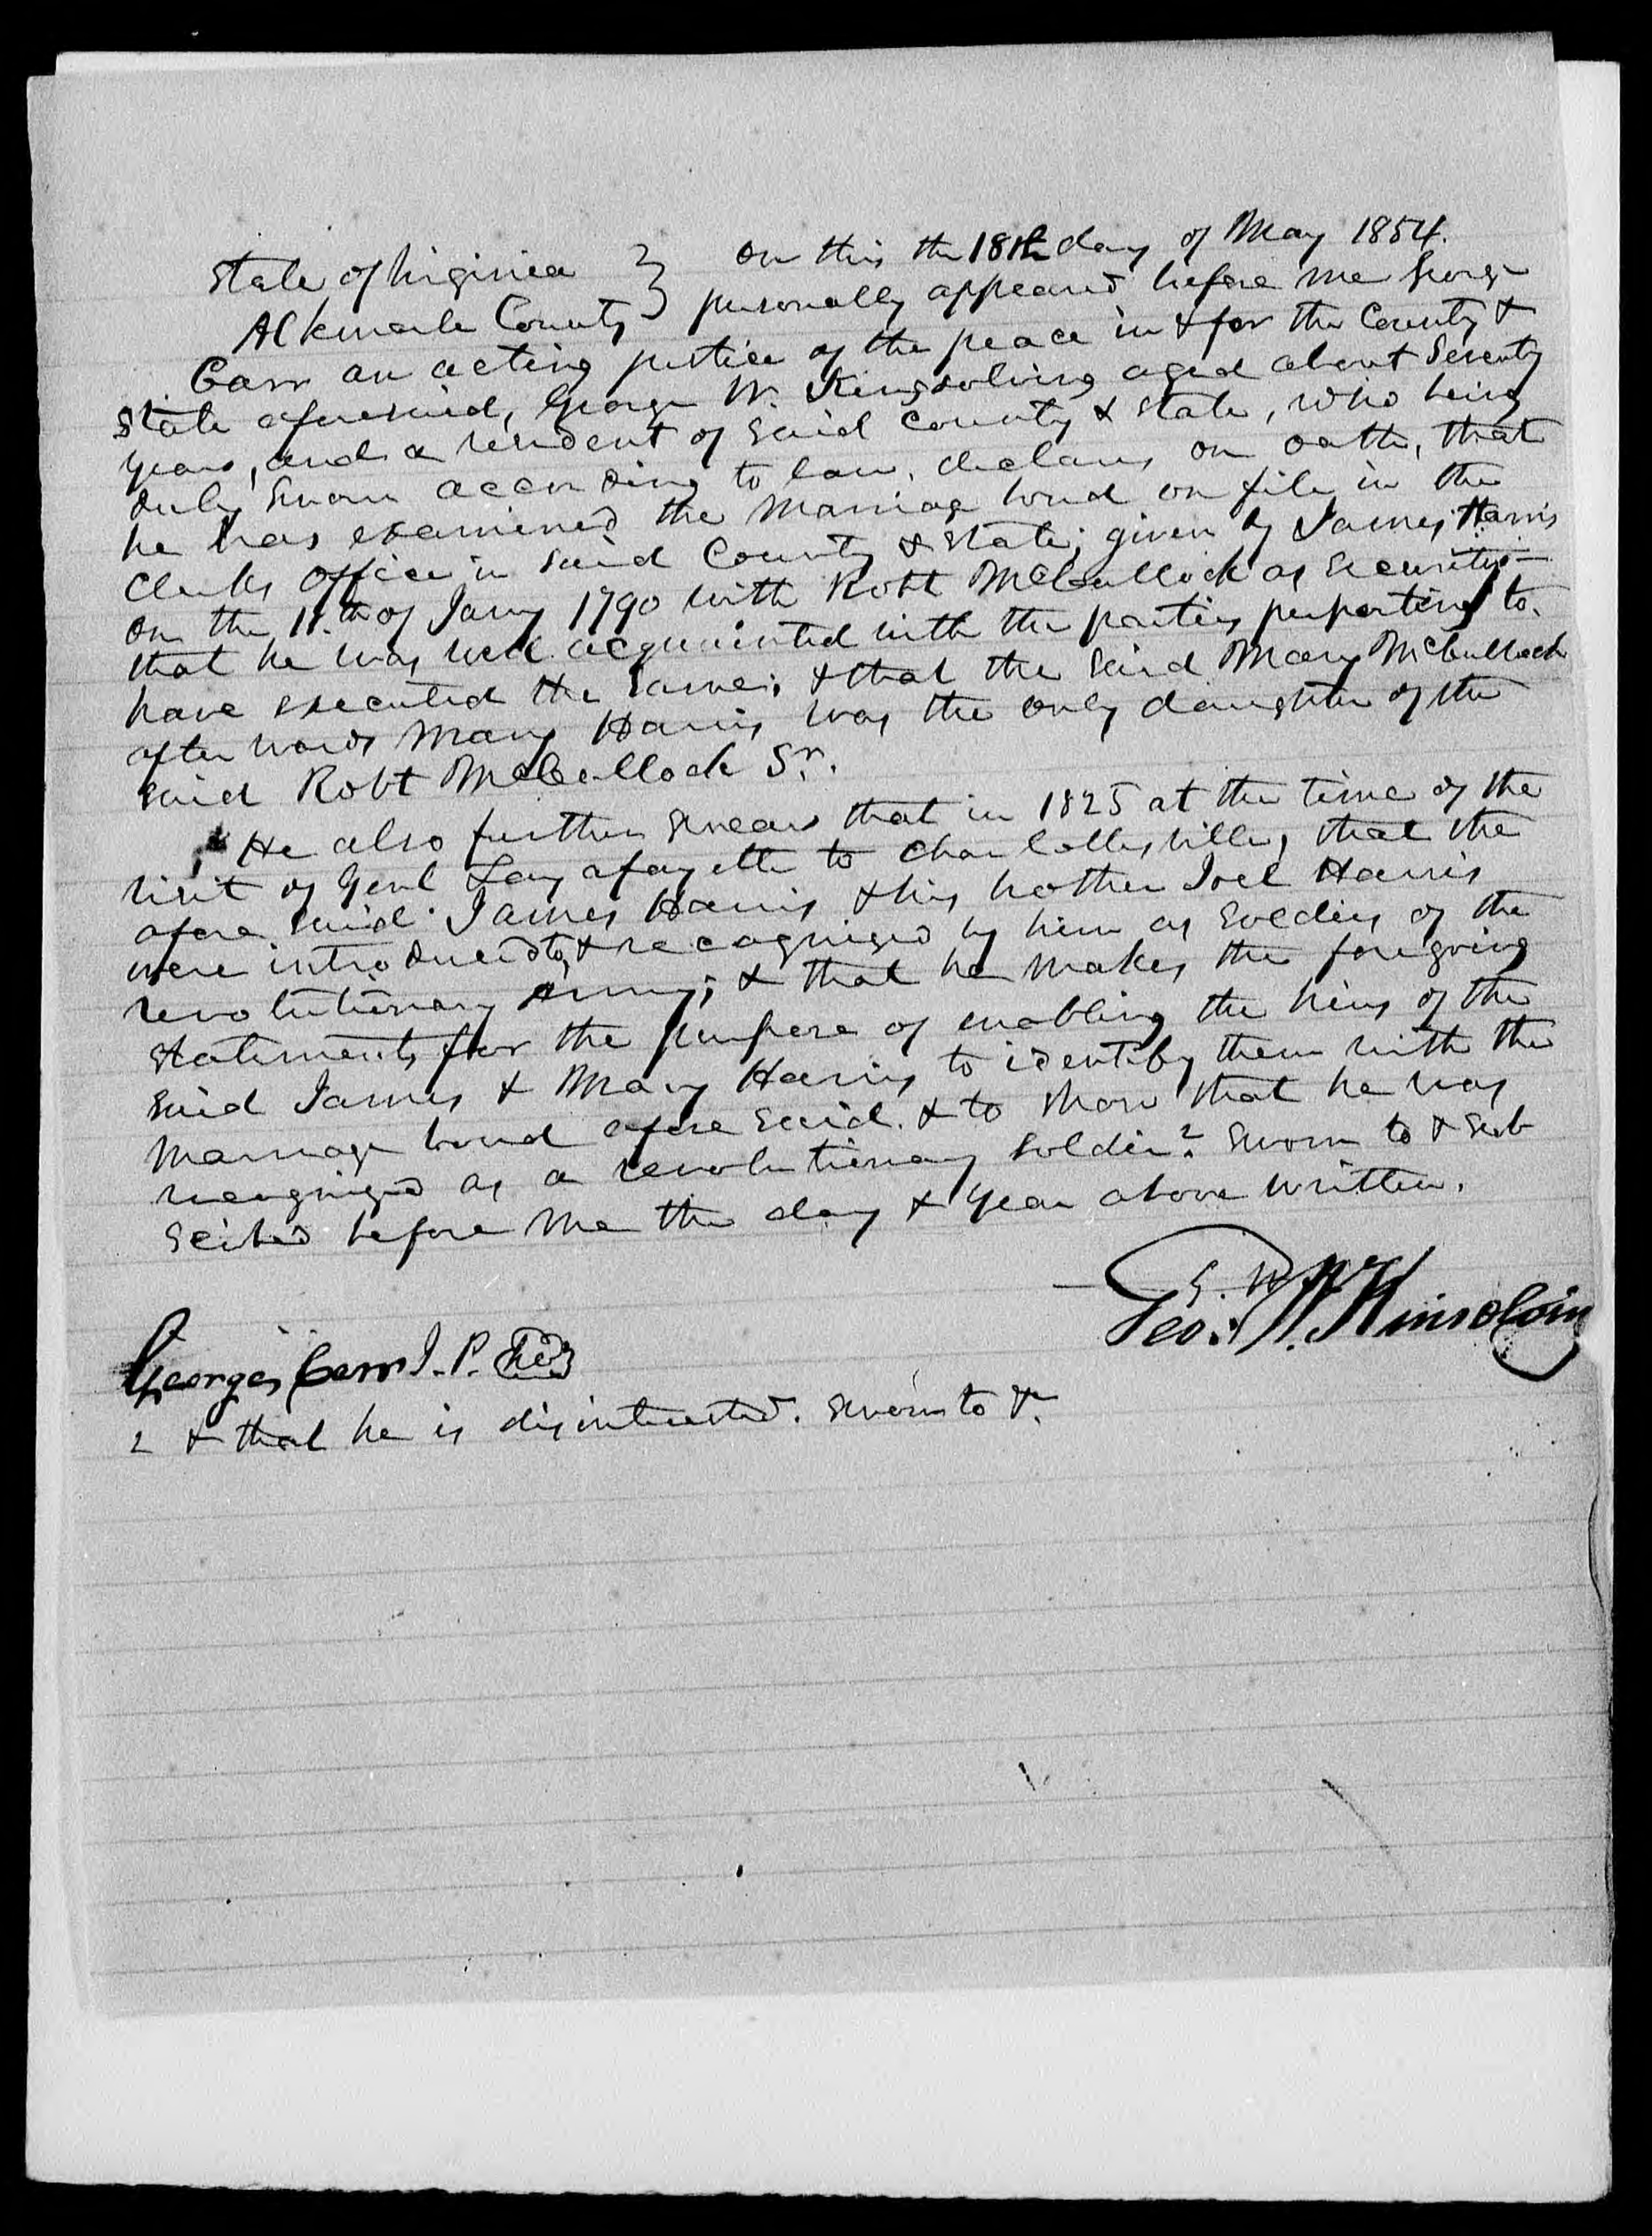State of Virginia}
Albemarle County}
On this the 18th day of May 1854 personally  appeared before me George Carr an acting Justice of the peace in & for the County & State aforesaid, George W. Kingsolving aged about seventy years, and a resident of said county & state, who being duly sworn according to law, declares on oath, that he has examined the marriage bond on file in the clerks office in said county & state; given by James Harris on the 11th of Jany 1790 with Robt McCulloch as security that he was well acquainted with the parties purporting to have executed the same; that the said Mary McCulloch afterwards Mary Harris, was the only daughter of the said Robt McCulloch Sr.
   He also further swears that in 1825 at the time of the visit of Genl Layafayette [sic] to Charlottesville, that the aforesaid James Harris & his brother Joel Harris were introduced to & recognized by him as soldiers of the Revolutionary army; & that he makes the foregoing statements for the purpose of enabling the heirs of the said James & Mary Harris to identify them with the marriage bond aforesaid & to know that he was recognized as a revolutionary soldier * .  Sworn to & subscribed before me this day & year above written.
Geo. W. Kinsolving

George Carr J.P. [seal]
* & that he is disinterested  Sworn to &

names: James Harris, Joel Harris, George W Kingsolving, Robt Mc Culloch, George Carr, James Harris, Mary Harris, James Mc Culloch, Mary Harris, Geo W Kinsolving, Robt Mc Culloch, George Carr, James Harris, Layafayette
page: 13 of 160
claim: rejected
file: R. 4666, James Harris, Va.